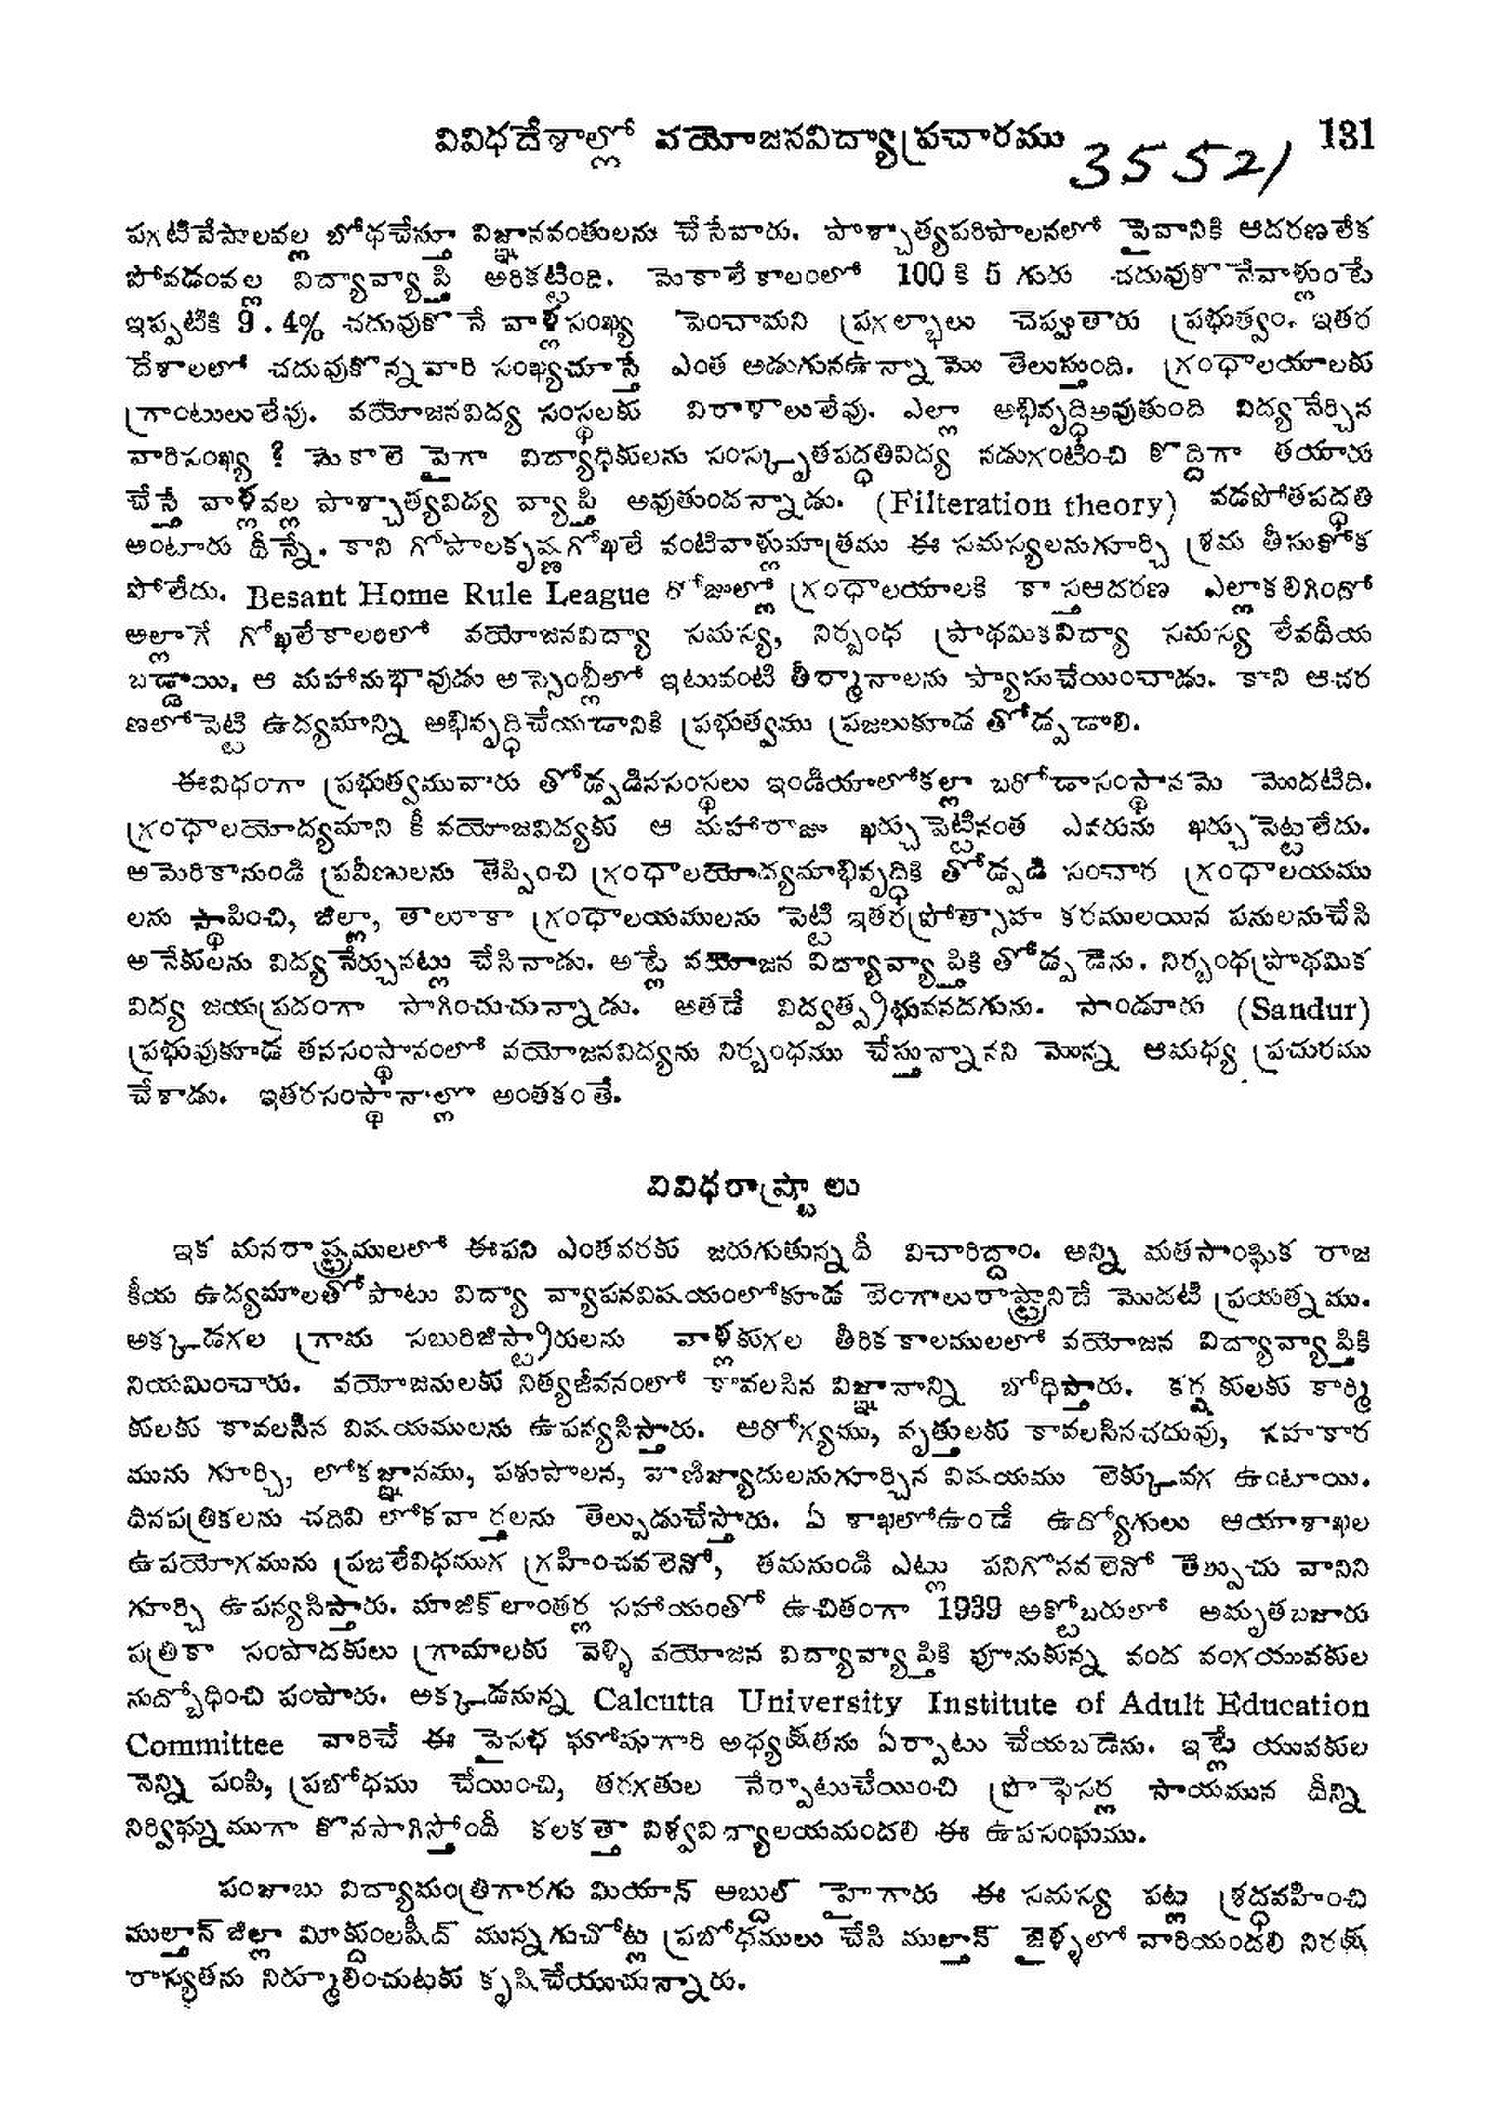పగటి వేషాలవల్ల బోధచేస్తూ విజ్ఞానవంతులను చేసేవారు. పాశ్చాత్య పరిపాలనలో పైవానికి ఆదరణలేక పోవడంవల్ల విద్యావ్యాప్తి 
అరికట్టింది. మెకాలే కాలంలో 100 కి 5 గురు చదువుకొసేవాళ్లుంటే ఇప్పటికి 9.4% చదువుకొనే వాళ్ల సంఖ్య పెంచామని 
ప్రగల్భాలు చెప్పుతారు. ప్రభుత్వం, ఇతర దేశాలలో చదువుకొన్న వారి సంఖ్యచూస్తే ఎంత అడుగున ఉన్నామొ తెలుస్తుంది. గ్రంథాలయాలకు గ్రాంటులు లేవు. వయోజనవిద్య సంస్థలకు విరాళాలు లేవు. ఎల్లా అభివృద్ధి అవుతుంది విద్య నేర్చిన 
వారిసంఖ్య? మెకాలె పైగా విద్యాధికులను సంస్కృతపద్దతివిద్య నడుగంటించి కొద్దిగా తయారు చేస్తే వాళ్లవల్ల పాశ్చాత్యవిద్య
వ్యాప్తి అవుతుందన్నాడు. (Filtration theory) వడపోత పద్దతి అంటారు దీన్నే. కాని గోపాలకృష్ణ గోఖలే వంటివాళ్లుమాత్రము
ఈ సమస్యలనుగూర్చి శ్రమ తీసుకోక పోలేదు. Besant Home Rule League రోజుల్లో గ్రంధాలయాలకి కాస్తఆదరణ ఎల్లాకలిగిందో 
అల్లాగే గోఖలే కాలంలో వయోజన విద్యా సమస్య, నిర్బంధ ప్రాథమిక విద్యా సమస్య లేవదీయబడ్డాయి, ఆ మహానుభావుడు
అస్సెంబ్లీలో ఇటువంటి తీర్మానాలను ప్యాసు చేయించాడు. కాని ఆచరణలో పెట్టి ఉద్యమాన్ని అభివృద్ధి చేయడానికి ప్రభుత్వము ప్రజలుకూడ తోడ్పడాలి.

ఈవిధంగా ప్రభుత్వమువారు తోడ్పడిన సంస్థలు ఇండియాలోకల్లా బరోడా సంస్థానమె మొదటిది. గ్రంధాలయోద్యమానికీ 
వయోజవిద్యకు ఆ మహారాజు ఖర్చుపెట్టినంత ఎవరును ఖర్చు పెట్టలేదు. అమెరికానుండి ప్రవీణులను తెప్పించి గ్రంధాలయోద్యమాభివృద్ధికి తోడ్పడి సంచార గ్రంధాలయములను స్థాపించి, జిల్లా, తాలూకా గ్రంధాలయములను పెట్టి 
ఇతరప్రోత్సాహకరములయిన పనులను చేసి అనేకులను విద్య నేర్చునట్లు చేసినాడు. అట్లే వయోజన విద్యావ్యాప్తికి తోడ్పడెను. 
నిర్బంధ ప్రాథమికవిద్య జయప్రదంగా సాగించుచున్నాడు. అతడే విద్వత్ప్రభువనదగును. సాండూరు (Sandor) ప్రభువుకూడ 
తన సంస్థానంలో వయోజనవిద్యను నిర్బంధము చేస్తున్నానని మొన్న ఆమధ్య ప్రచురము చేశాడు. ఇతర సంస్థానాలో 
అంతకంతే.

ఇక మనరాష్ట్రములలో ఈ పని ఎంతవరకు జరుగుతున్నదీ విచారిద్దాం. అన్ని మత సాంఘిక రాజకీయ ఉద్యమాలతోపాటు
విద్యా వ్యాపనవిషయంలో కూడ బెంగాలు రాష్ట్రానిదే మొదటి ప్రయత్నము. అక్కడగల గ్రామ సబురిజిస్ట్రారులను వాళ్లకుగల 
తీరిక కాలములలో వయోజన విద్యావ్యాప్తికి నియమించారు. వయోజనులకు నిత్యజీవనంలో కావలసిన విజ్ఞానాన్ని బోధిస్తారు. 
కర్షకులకు కార్మికులకు కావలసిన విషయములను ఉపన్యసిస్తారు. ఆరోగ్యము, వృత్తులకు కావలసిన చదువు, సహకార
మును గూర్చి, లోకజ్ఞానము, పశుపాలన, వాణిజ్యాదులను గూర్చిన విషయము లెక్కువగ ఉంటాయి. దీనపత్రికలను చదివి 
లోకవార్తలను తెల్పుడుచేస్తారు. ఏ శాఖలో ఉండే ఉద్యోగులు ఆయాశాఖల ఉపయోగమును ప్రజలేవిధముగ గ్రహించవలెనో, 
తమనుండి ఎట్లు పనిగొనవలెనో తెల్పుచు వానిని గూర్చి ఉపన్యసిస్తారు. మాజిక్ లాంతర్ల సహాయంతో ఉచితంగా 1939 
అక్టోబరులో అమృతబజారు పత్రికా సంపాదకులు గ్రామాలకు వెళ్ళి వయోజన విద్యావ్యాప్తికి పూనుకున్న వంద వంగ యువకుల
నుద్బోధించి పంపారు. అక్కడనున్న Calcutta University Institute of Adult Education Committee వారిచే ఈ పైసభ 
ఘోషుగారి అధ్యక్షతను ఏర్పాటు చేయబడెను. ఇట్లే యువకులనెన్ని పంపి, ప్రబోధము చేయించి, తరగతుల నేర్పాటుచేయించి 
ప్రొఫెసర్ల సాయమున దీన్నినిర్విఘ్నముగా కొనసాగిస్తోందీ కలకత్తా విశ్వవిద్యాలయమందలి ఈ ఉపసంఘము.

పంజాబు విద్యామంత్రిగారగు మియాన్ అబ్దుల్ హై గారు ఈ సమస్య పట్ల శ్రద్ధవహించి ముల్తాన్ జిల్లా మీకుంలషీద్ మున్నగుచోట్ల ప్రబోధములు చేసి ముల్తాన్ జైళ్ళలో వారియందలి నిరక్షరాస్యతను 'నిర్మూలించుటకు కృషి చేయుచున్నారు